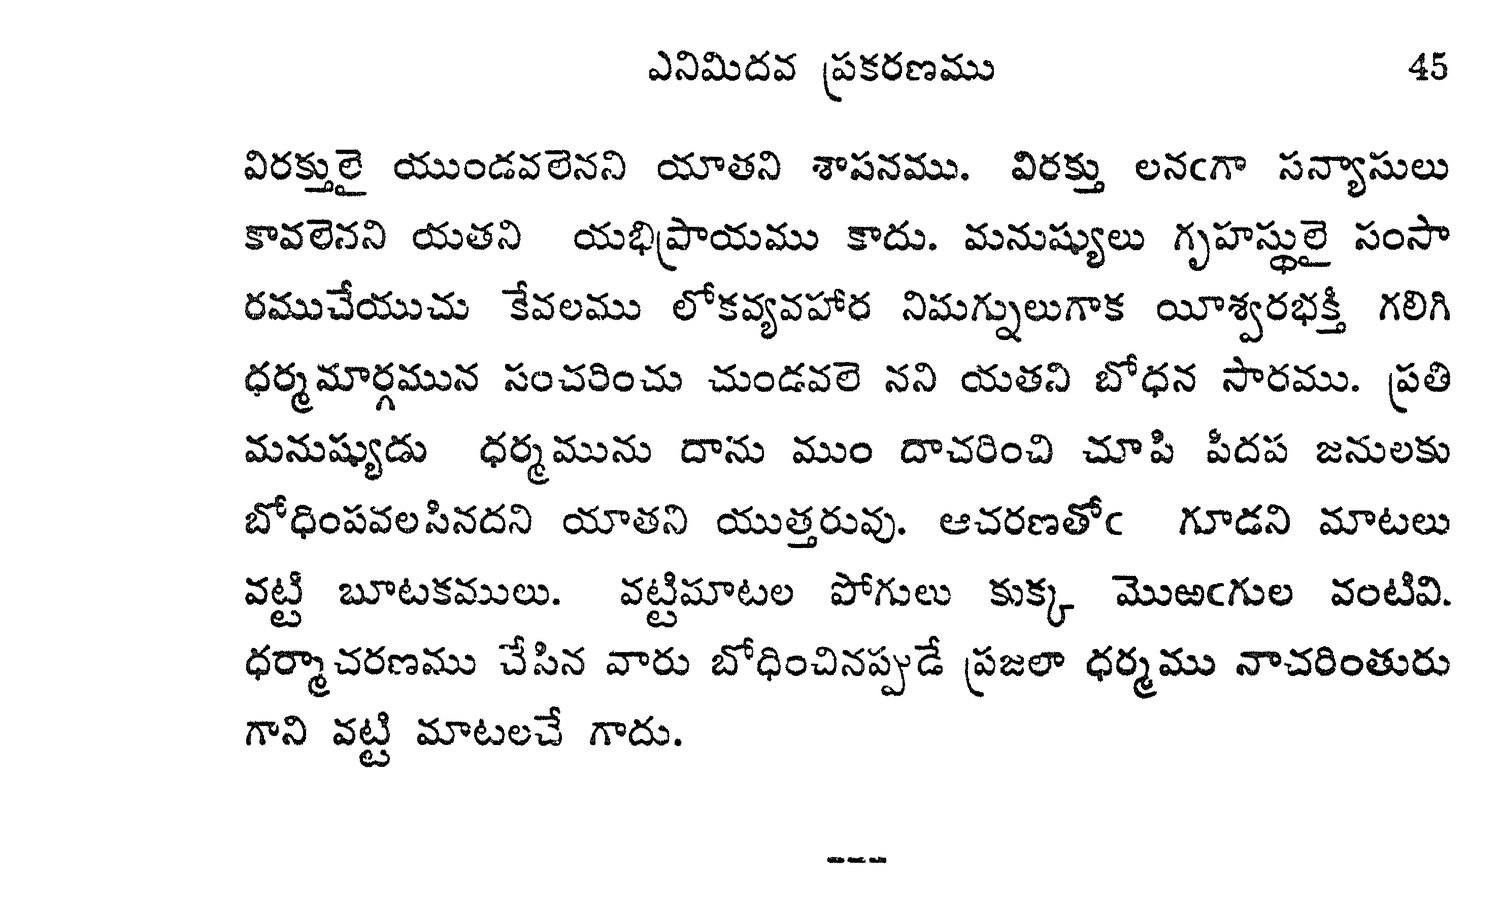విరక్తులై యుండవలెనని యాతని శాసనము. విరక్తు లనగా సన్యాసులు కావలెనని యాతని యభిప్రాయము కాదు. మనుష్యులు గృహస్థులై సంసారముచేయుచు కేవలము లోకవ్యవహార నిమగ్నులుగాక యీశ్వరభక్తి గలిగి ధర్మమార్గమున సంచరించు చుండవలె నని యతని బోధన సారము. ప్రతి మనుష్యుడు ధర్మమును దాను ముం దాచరించి చూపి పిదప జనులకు బోధింపవలసినదని యాతని యుత్తరవు. ఆచరణతో గూడని మాటలు వట్టి బూటకములు. వట్టిమాటల పోగులు కుక్క మొఱగుల వంటివి. ధర్మాచరణము చేసిన వారు బోధించినప్పుడే ప్రజలా ధర్మము నాచరింతురు గాని వట్టి మాటలచే గాదు.

_______